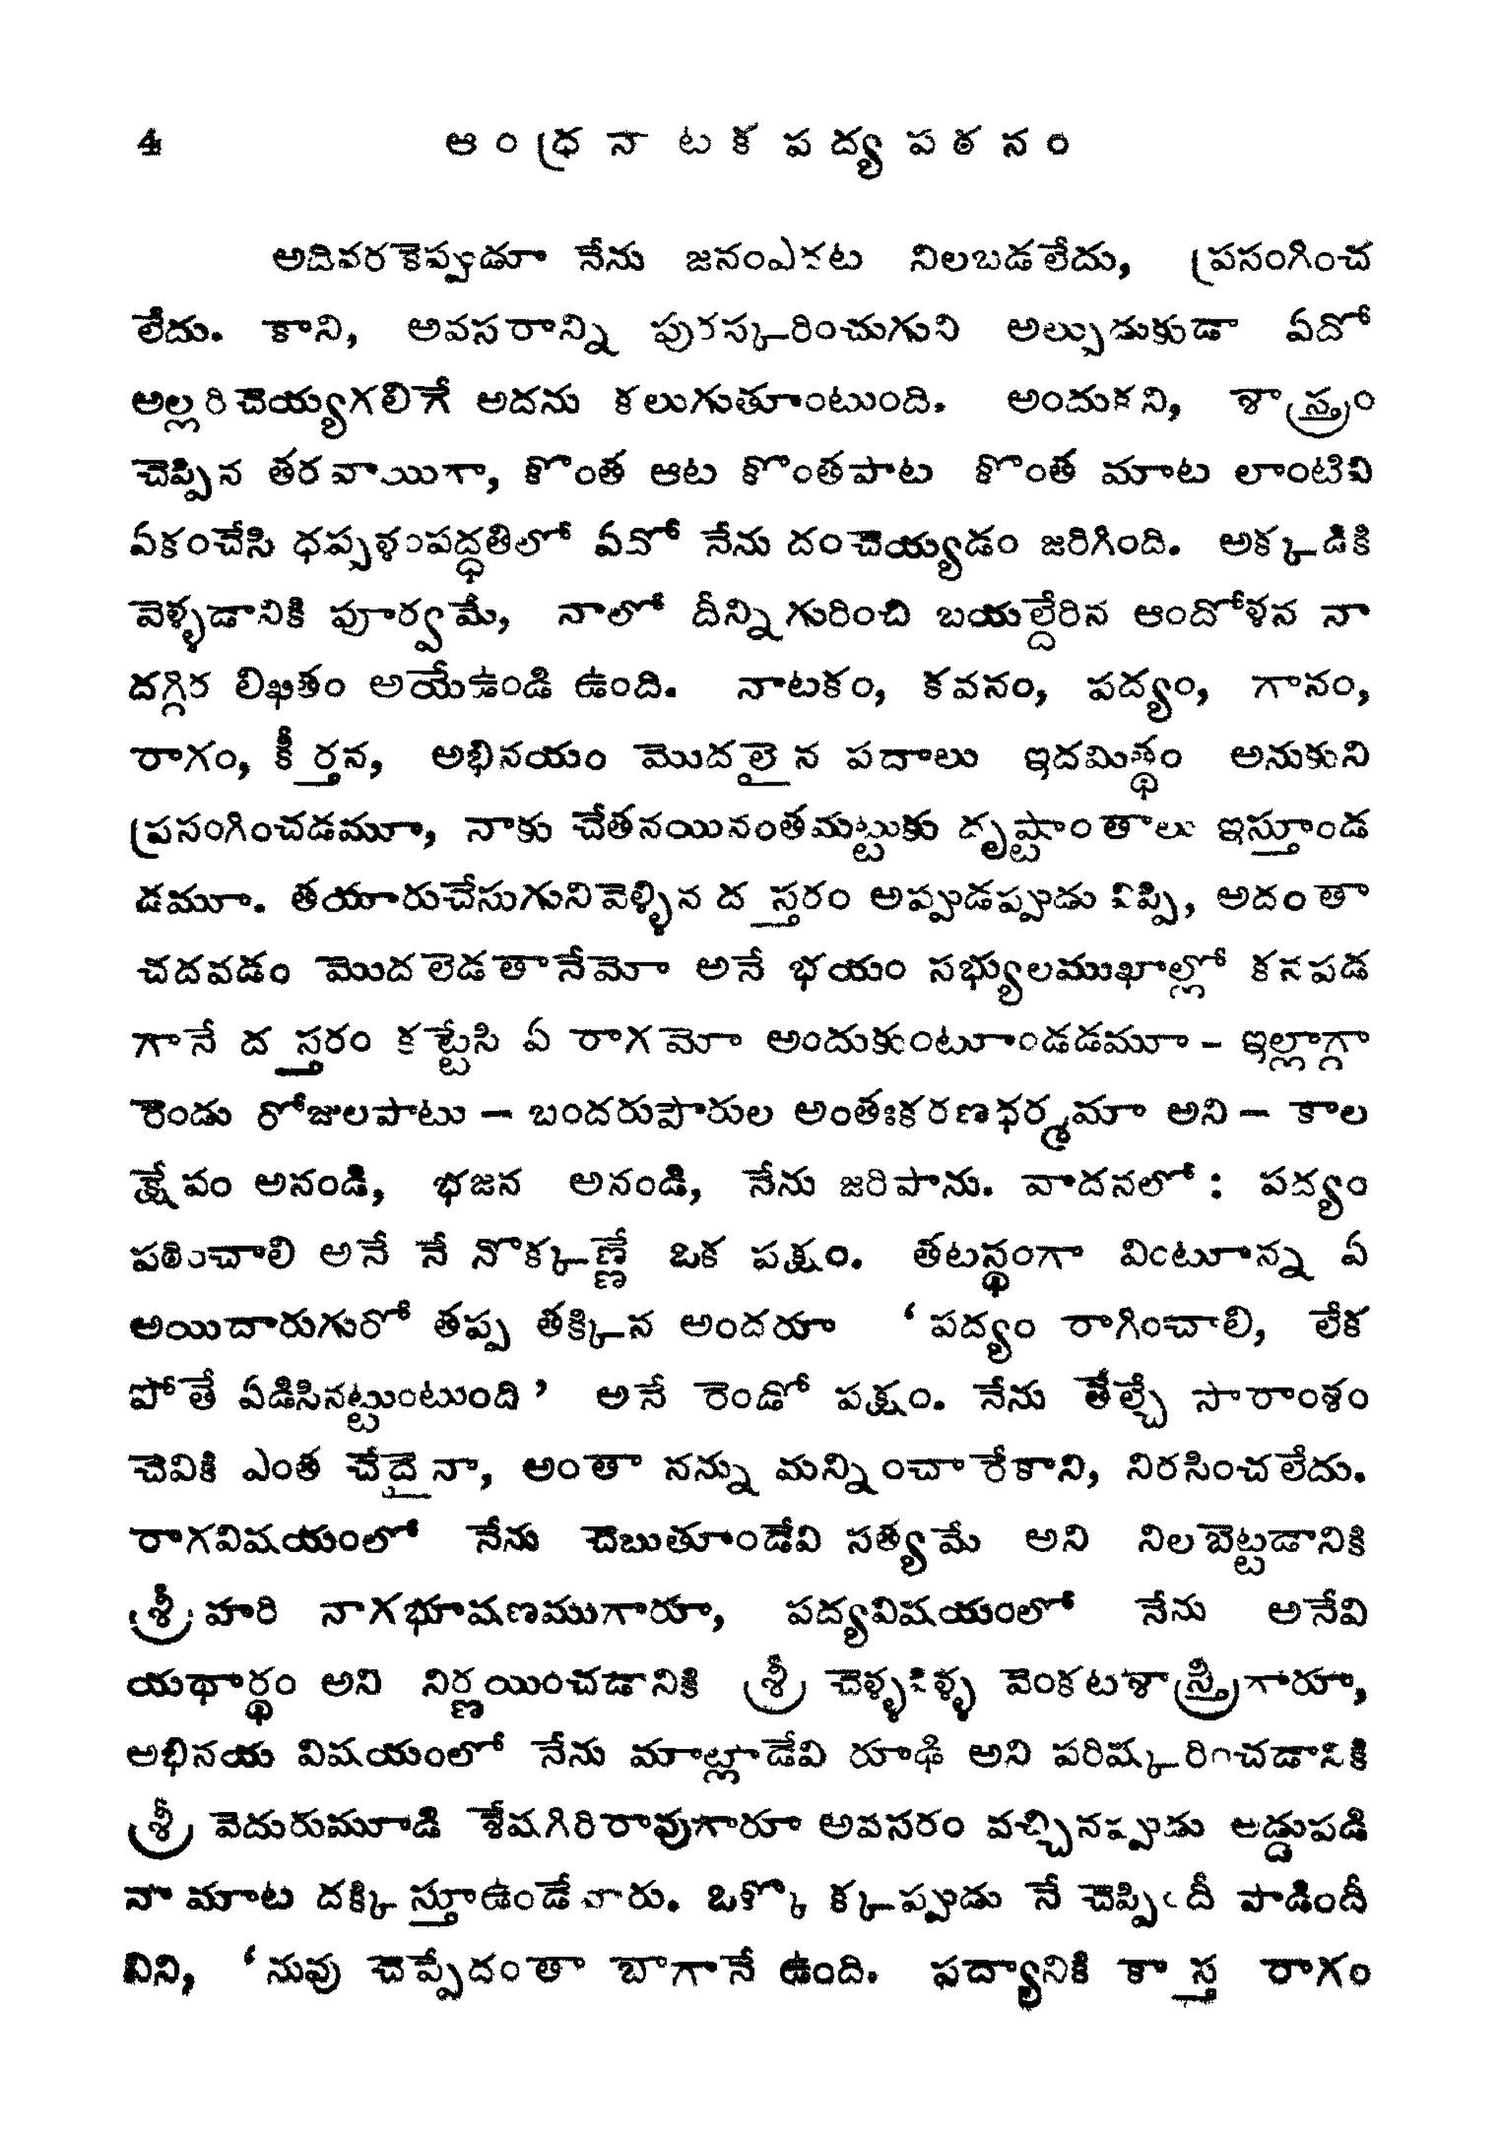అదివరకెప్పుడూ నేను జనంఎదట నిలబడలేదు, ప్రసంగించ
లేదు. కాని, అవసరాన్ని పురస్కరించుగుని అల్పుడుకుడా ఏదో
అల్లరిచెయ్యగలిగే అదను కలుగుతూంటుంది, అందుకని, శాస్త్రం
చెప్పిన తరవాయిగా, కొంత ఆట కొంతపాట కొంత మాట లాంటివి
ఏకంచేసి ధప్పళంపద్ధతిలో ఏదో నేను దంచెయ్యడం జరిగింది. అక్కడికి
వెళ్ళడానికి పూర్వమే, నాలో దీన్నిగురించి బయల్దేరిన ఆందోళన నా
దగ్గిర లిఖతం అయేఉండి ఉంది. నాటకం, కవనం, పద్యం, గానం,
రాగం, కీర్తన, అభినయం మొదలైన పదాలు ఇదమిత్థం అనుకుని
ప్రసంగించడమూ, నాకు చేతనయినంతమట్టుకు దృష్టాంతాలు ఇస్తూండ
డమూ. తయారుచేసుగునివెళ్ళిన దస్తరం అప్పుడప్పుడు విప్పి, అదంతా
చదవడం మొదలెడతానేమో అనే భయం సభ్యులముఖాల్లో కనపడ
గానే దస్తరం కట్టేసి ఏ రాగమో అందుకుంటూండడమూ - ఇల్లాగ్గా
రెండు రోజులపాటు - బందరుపౌరుల అంతఃకరణధర్మమా అని - కాల
క్షేపం అనండి, భజన అనండి, నేను జరిపాను. వాదనలో : పద్యం
పఠించాలి అనే నే నొక్కణ్ణే ఒక పక్షం. తటస్థంగా వింటూన్న ఏ
అయిదారుగురో తప్ప తక్కిన అందరూ 'పద్యం రాగించాలి, లేక
పోతే ఏడిసినట్టుంటుంది " అనే రెండో పక్షం. నేను తేల్చే సారాంశం
చెవికి ఎంత చేదైనా, అంతా నన్ను మన్నించారేకాని, నిరసించలేదు.
రాగవిషయంలో నేను చెబుతూండేవి సత్యమే అని నిలబెట్టడానికి
శ్రీహరి నాగభూషణముగారూ, పద్యవిషయంలో నేను అనేవి
యథార్థం అని నిర్ణయించడానికి శ్రీ చెళ్ళపిళ్ళ వెంకటశాస్త్రిగారూ,
అభినయ విషయంలో నేను మాట్లాడేవి రూఢి అని పరిష్కరించడానికి
శ్రీ వెదురుమూడి శేషగిరిరావుగారూ అవసరం వచ్చినప్పుడు అడ్డుపడి
నా మాట దక్కిస్తూఉండేవారు. ఒక్కొ క్కప్పుడు నే చెప్పిందీ పాడిందీ
విని, 'నువు చెప్పేదంతా బాగానే ఉంది. పద్యానికి కాస్త రాగం